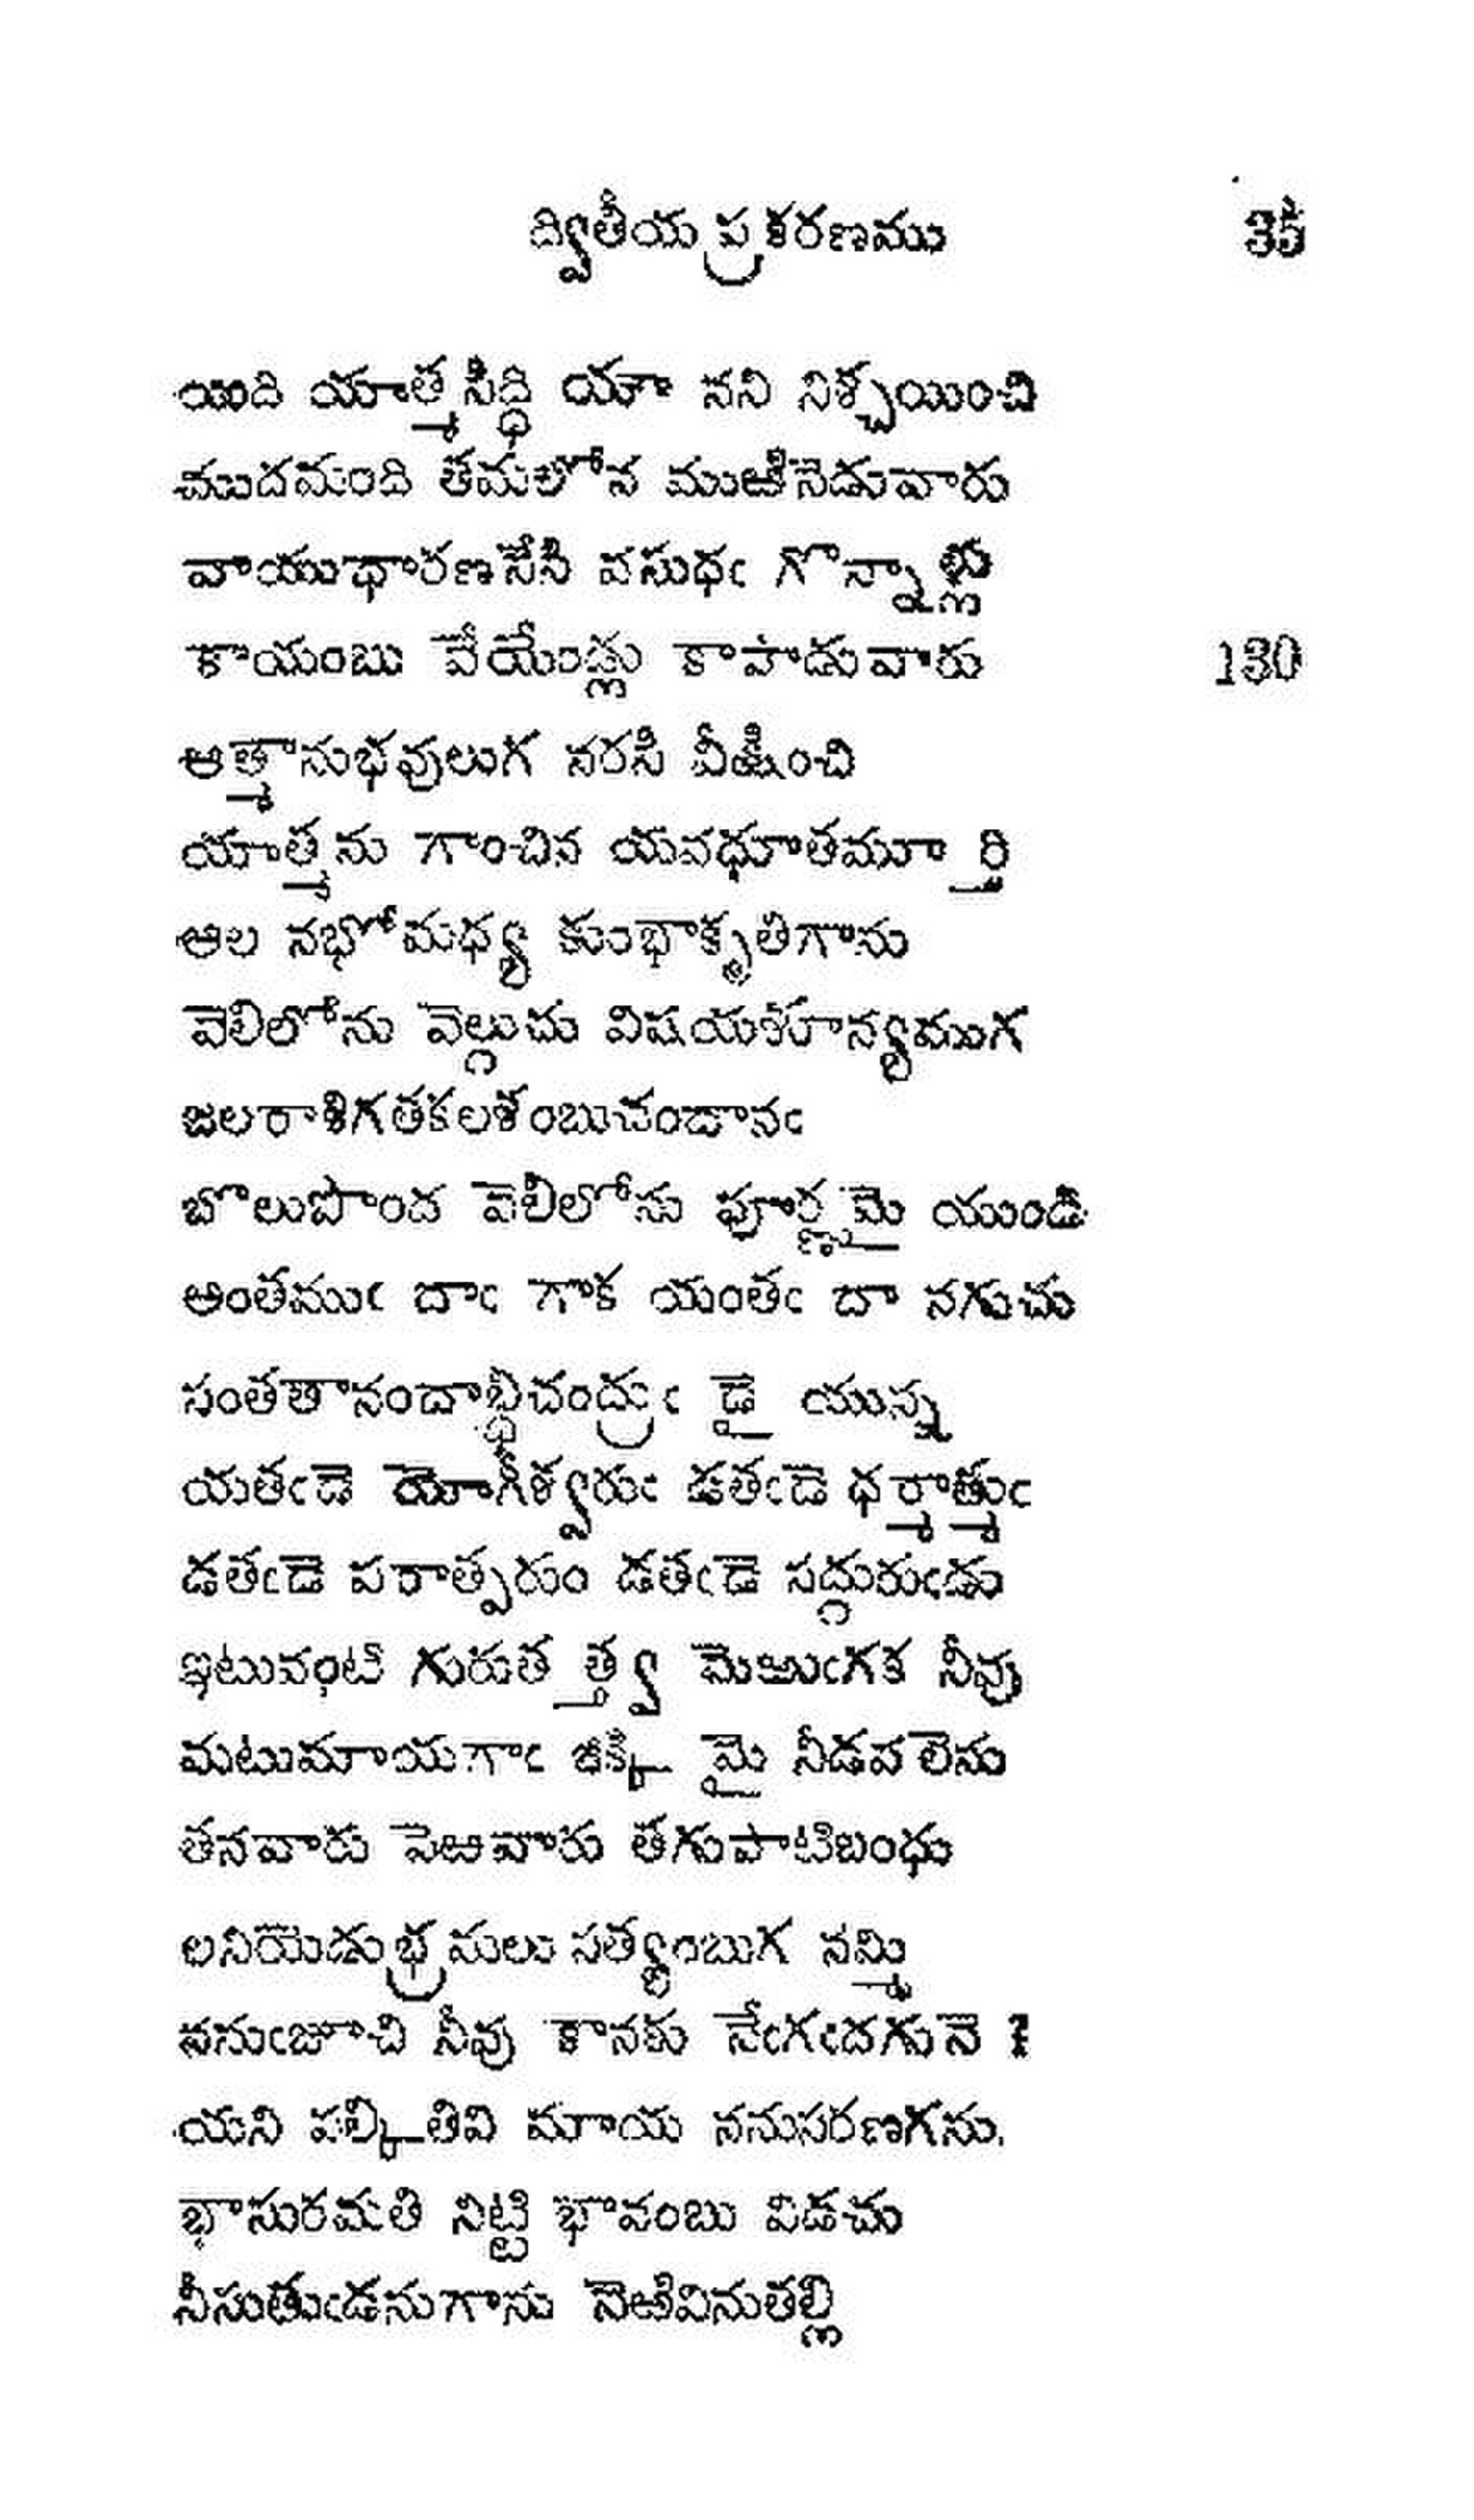యిది యాత్మసిద్ధి యౌనని నిశ్చయించి
ముదమంది తమలోన ముఱిసెడువారు
వాయుధారణసేసి వసుధఁ గొన్నాళ్లు
కాయంబు వేయేండ్లు కాపాడువారు
ఆత్మానుభవులుగ నరసి వీక్షించి
యాత్మను గాంచిన యవధూతమూర్తి
అల నభోమధ్య కుంభాకృతిగాను
వెలిలోను వెల్గుచు విషయశూన్యముగ
జలరాశిగతకలశంబుచందానఁ
బొలుపొంద వెలిలోను పూర్ణమై యుండి
అంతముఁ దాఁ గాక యంతఁ దానగుచు
సంతతానందాబ్దిచంద్రుఁ డై యున్న
యతఁడె యోగీశ్వరుఁ డతఁడె ధర్మాత్ముఁ
డతఁడె పరాత్పరుం డతఁడె సద్గురుఁడు
ఇటువంటి గురుతత్త్వ మెఱుఁగక నీవు
మటుమాయగాఁ జిక్కి మై నీడవలెను
తనవారు పెఱవారు తగుపాటిబంధు
లనియెడుభ్రమలు సత్యంబుగ నమ్మి
ననుఁజూచి నీవు కానకు నేఁగఁదగునె?
యని పల్కితివి మాయ ననుసరణగను,
భాసురమతి నిట్టి భావంబు విడచు
నీసుతుఁడనుగాను నెఱివినుతల్లి